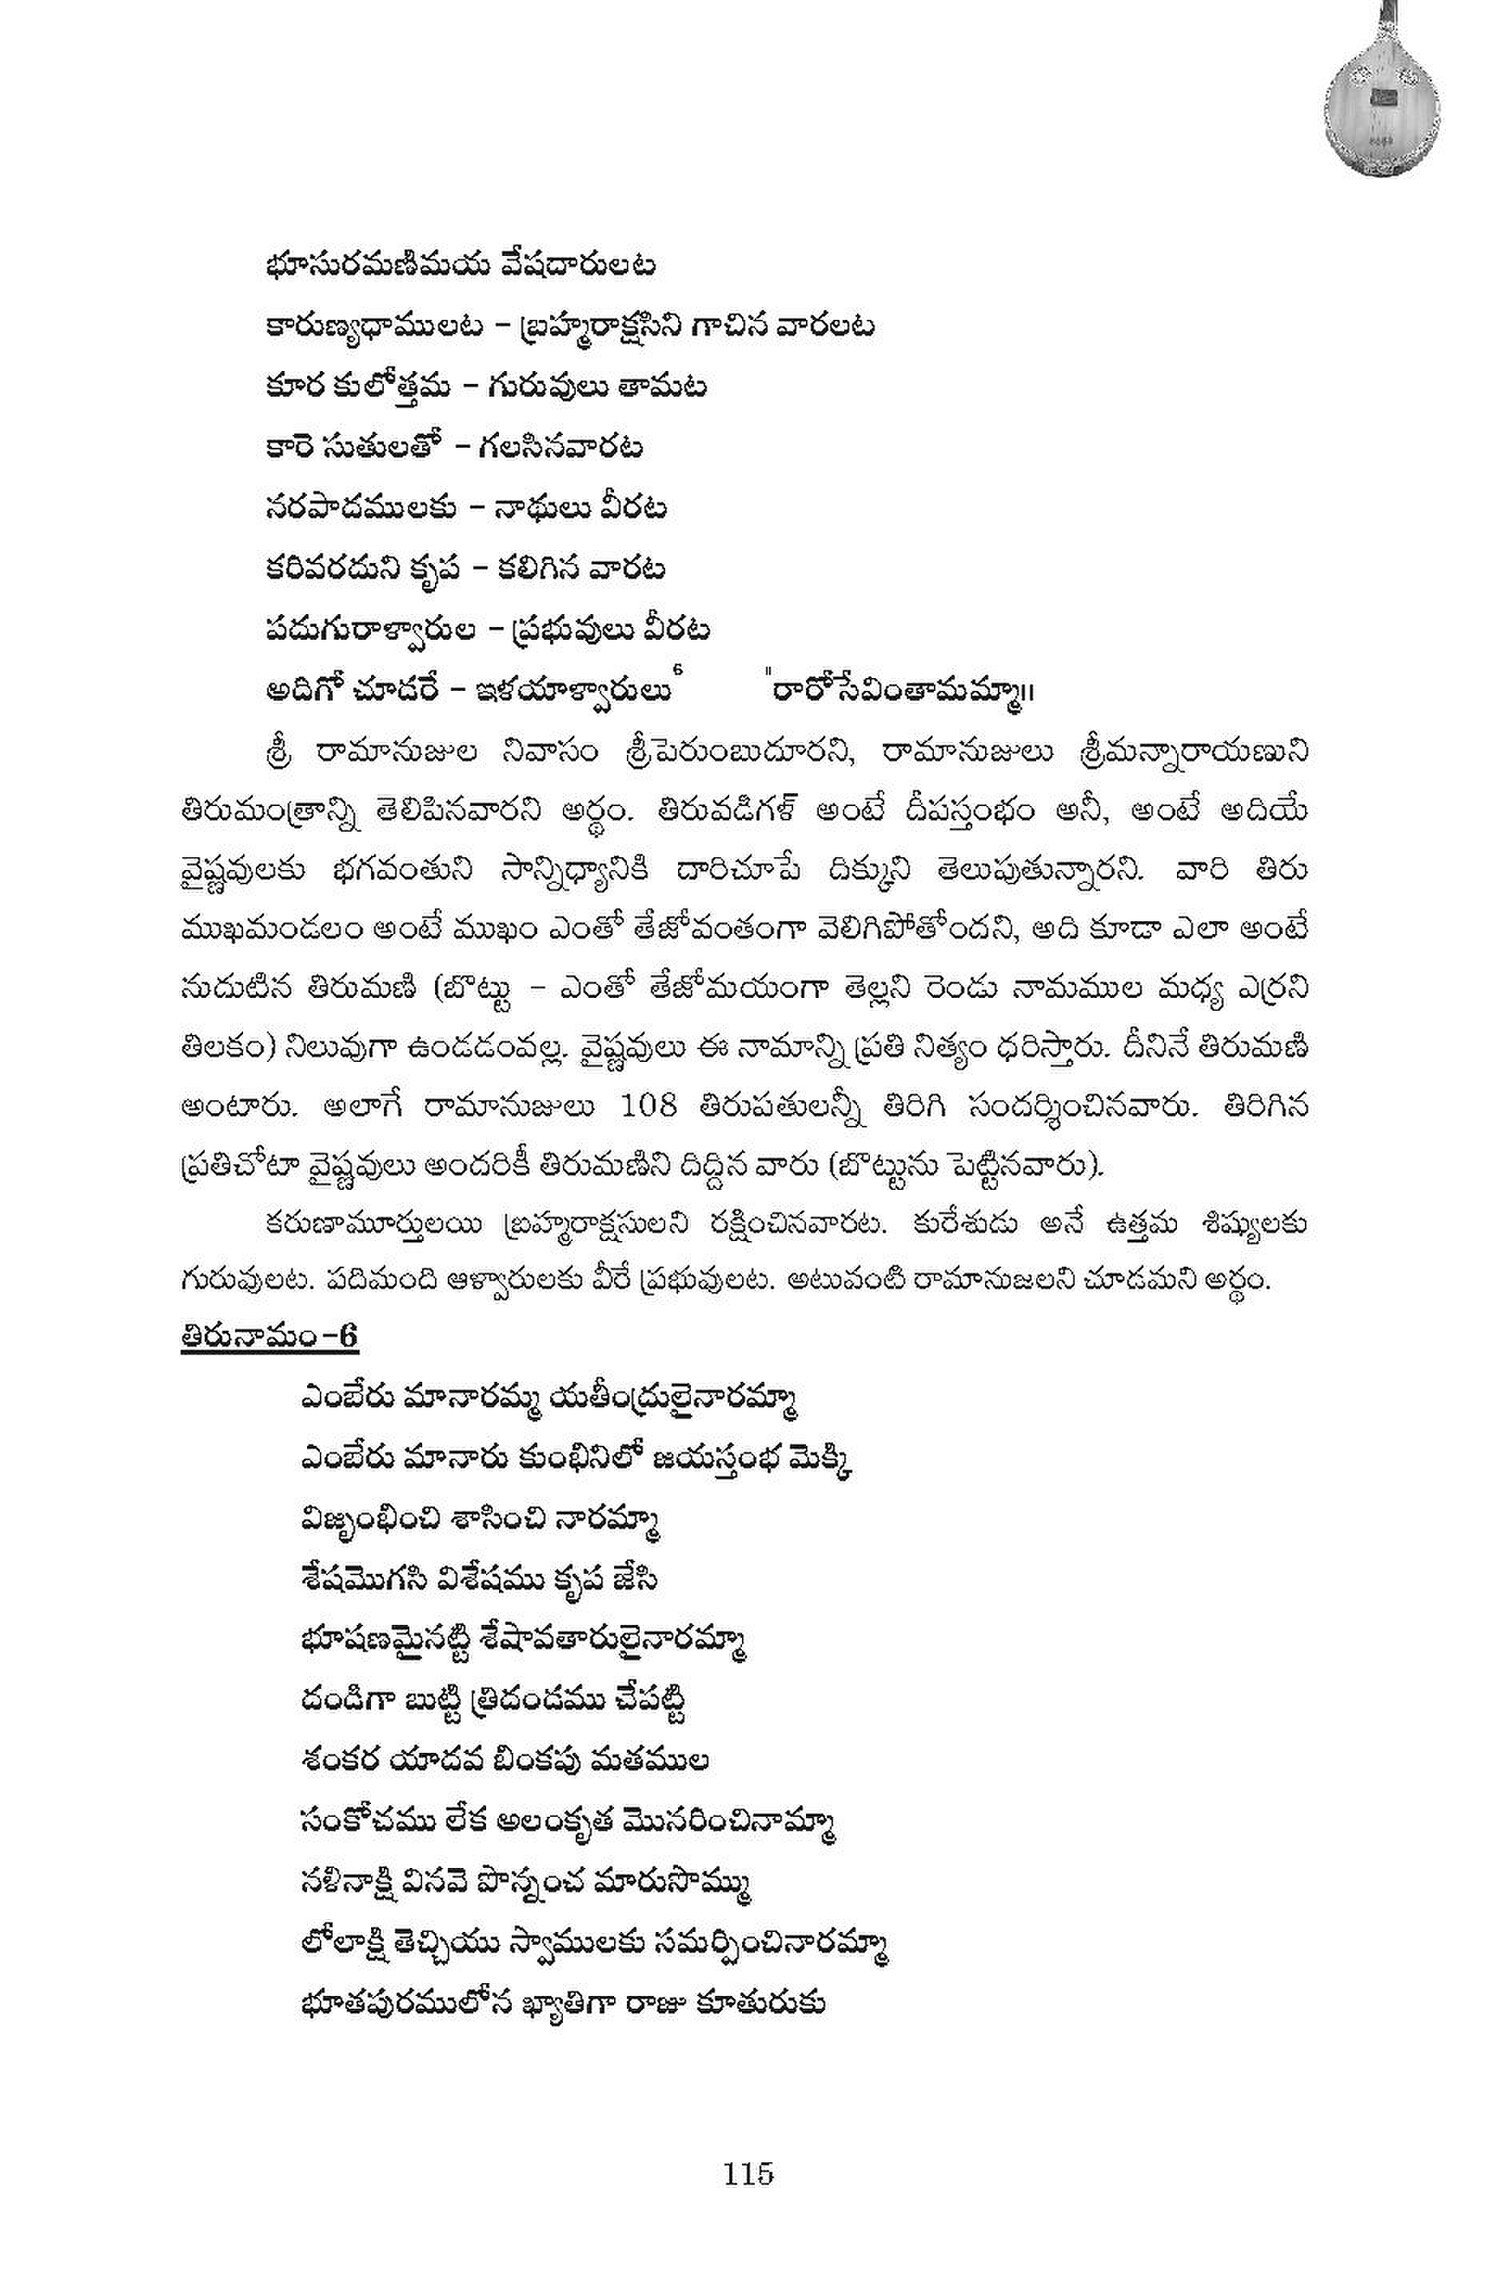భూసురమణిమయ వేషదారులట
కారుణ్యధాములట - బ్రహ్మరాక్షసిని గాచిన వారలట
కూర కులోత్తమ - గురువులు తామట
కారె సుతులతో - గలసినవారట
నరపాదములకు - నాథులు వీరట
కరివరదుని కృప - కలిగిన వారట
పదుగురాళ్వారుల - ప్రభువులు వీరట
అదిగో చూడరే – ఇళయాళ్వారులు6 'రారోసేవింతామమ్మా!!

శ్రీ రామానుజుల నివాసం శ్రీపెరుంబుదూరని, రామానుజులు శ్రీమన్నారాయణుని తిరుమంత్రాన్ని తెలిపినవారని అర్థం. తిరువడిగళ్ అంటే దీపస్తంభం అనీ, అంటే అదియే వైష్ణవులకు భగవంతుని సాన్నిధ్యానికి దారిచూపే దిక్కుని తెలుపుతున్నారని. వారి తిరు ముఖమండలం అంటే ముఖం ఎంతో తేజోవంతంగా వెలిగిపోతోందని, అది కూడా ఎలా అంటే నుదుటిన తిరుమణి (బొట్టు - ఎంతో తేజోమయంగా తెల్లని రెండు నామముల మధ్య ఎర్రని తిలకం) నిలువుగా ఉండడంవల్ల. వైష్ణవులు ఈ నామాన్ని ప్రతి నిత్యం ధరిస్తారు. దీనినే తిరుమణి అంటారు. అలాగే రామానుజులు 108 తిరుపతులన్నీ తిరిగి సందర్శించినవారు. తిరిగిన ప్రతిచోటా వైష్ణవులు అందరికీ తిరుమణిని దిద్దిన వారు (బొట్టును పెట్టినవారు). కరుణామూర్తులయి బ్రహ్మరాక్షసులని రక్షించినవారట. కురేశుడు అనే ఉత్తమ శిష్యులకు గురువులట. పదిమంది ఆళ్వారులకు వీరే ప్రభువులట. అటువంటి రామానుజలని చూడమని అర్థం.

తిరునామం-6

ఎంబేరు మానారమ్మ యతీంద్రులైనారమ్మా
ఎంబేరు మానారు కుంభినిలో జయస్తంభ మెక్కి
విజృంభించి శాసించి నారమ్మా
శేషమొగసి విశేషము కృప జేసి
భూషణమైనట్టి శేషావతారులైనారమ్మా
దండిగా బుట్టి త్రిదండము చేపట్టి
శంకర యాదవ బింకపు మతముల
సంకోచము లేక అలంకృత మొనరించినామ్మా
నళినాక్షి వినవె పొన్నంచ మారుసొమ్ము
లోలాక్షి తెచ్చియు స్వాములకు సమర్పించినారమ్మా
భూతపురములోన ఖ్యాతిగా రాజు కూతురుకు